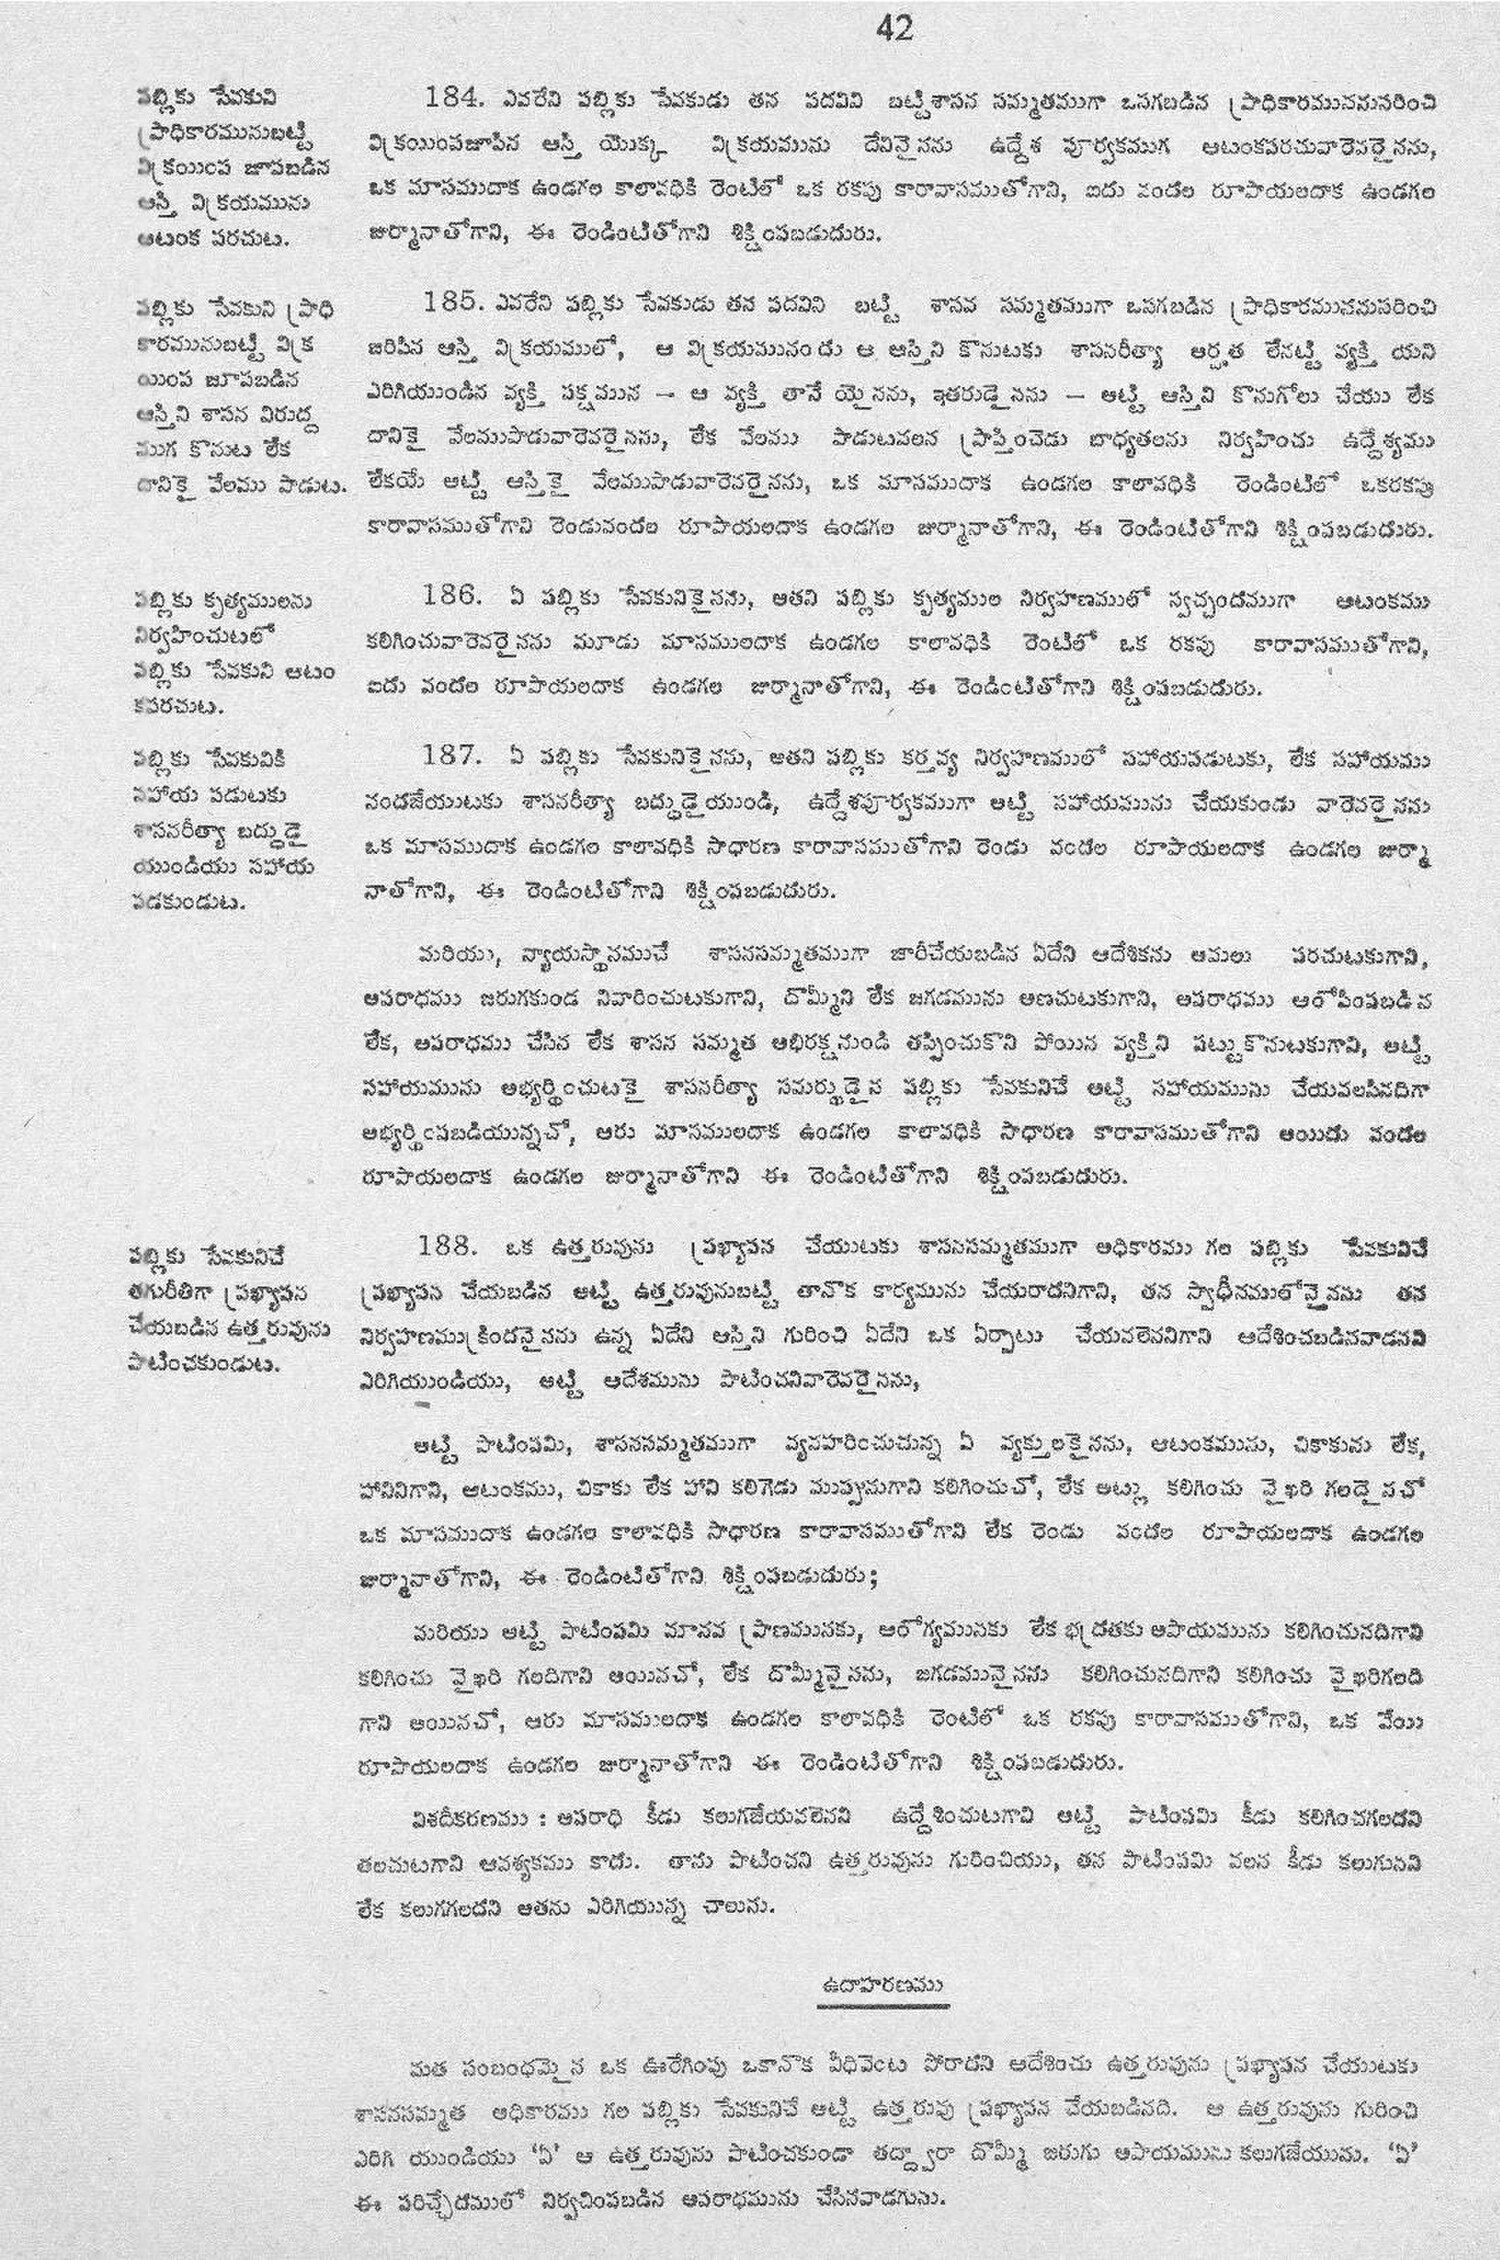పబ్లికు సేవకుని ప్రాధికారమునుబట్టి విక్రయింప జూపబడిన ఆస్తి విక్రయమును ఆటంక పరచుట.

184. ఎవరేని పబ్లికు సేవకుడు తన పదవిని బట్టి శాసన సమ్మతముగా ఒసగబడిన ప్రాధికారము ననుసరించి
విక్రయింపజూపిన ఆస్తి యొక్క విక్రయమును దేనినైనను ఉద్దేశ పూర్వకముగ ఆటంకపరచువారెవరైనను, ఒక మాసముదాక ఉండగల కాలావధికి రెంటిలో ఒక రకపు కారావాసముతోగాని, ఐదు వందల రూపాయలదాక ఉండగల జుర్మానాతోగాని, ఈ రెండింటితోగాని శిక్షింపబడుదురు,

పబ్లికు సేవకుని ప్రాధికారమునుబట్టి విక్రయింప జూపబడిన ఆస్తిని శాసన విరుద్ధముగ కొనుట లేక దానికై వేలము పాడుట.

185. ఎవరేని పబ్లికు సేవకుడు తన పదవిని బట్టి శాసవ సమ్మతముగా ఒసగబడిన ప్రాధికారముననుసరించి జరిపిన ఆస్తి విక్రయములో, ఆ విక్రయమునందు ఆ ఆస్తిని కొనుటకు శాసనరీత్యా ఆర్హత లేనట్టి వ్యక్తి యని ఎరిగియుండిన వ్యక్తి పక్షమున -- ఆ వ్యక్తి తానే యైనను, ఇతరుడైనను - అట్టి ఆస్తిని కొనుగోలు చేయు లేక దానికై వేలము పాడువారెవరైనను, లేక వేలము పాడుటవలన ప్రాప్తించెడు బాధ్యతలను నిర్వహించు ఉద్దేశ్యము లేకయే అట్టి ఆస్తికై వేలముపాడువారెవరైనను, ఒక మాసముదాక ఉండగల కాలావధికి రెండింటిలో ఒకరకపు కారావాసముతోగాని రెండువందల రూపాయలదాక ఉండగల జుర్మానాతోగాని, ఈ రెండింటితోగాని శిక్షింపబడుదురు.

పబ్లికు కృత్యములను నిర్వహించుటలో పబ్లికు సేవకుని ఆటంకపరచుట.

186. ఏ పబ్లికు సేవకుని కైనను, ఆతని పబ్లికు కృత్యముల నిర్వహణములో స్వచ్ఛందముగా ఆటంకము కలిగించు వారెవరైనను మూడు మాసములదాక ఉండగల కాలావధికి రెంటిలో ఒక రకపు కారావాసముతోగాని, ఐదు వందల రూపాయలదాక ఉండగల జుర్మానాతోగాని, ఈ రెండింటితోగాని శిక్షింపబడుదురు.

పబ్లికు సేవకునికి సహాయ పడుటకు శాసనరీత్యా బద్దుడై యుండియు సహాయ పడకుండుట.

187. ఏ పబ్లికు సేవకునికైనను, అతని పబ్లికు కర్తవ్య నిర్వహణములో సహాయపడుటకు, లేక సహాయము నందజేయుటకు శాసనరీత్యా బద్దుడై యుండి, ఉద్దేశపూర్వకముగా అట్టి సహాయమును చేయకుండు వారెవరై నను ఒక మాసముదాక ఉండగల కాలావధికి సాధారణ కారావాసముతోగాని రెండు వందల రూపాయలదాక ఉండగల జుర్మానాతో గాని, ఈ రెండింటితో గాని శిక్షింపబడుదురు.

మరియు, న్యాయస్థానముచే శాసనసమ్మతముగా జారీచేయబడిన ఏదేని ఆదేశికను అమలు పరచుటకుగాని, అపరాధము జరుగకుండ నివారించుటకుగాని, దొమ్మీని లేక జగడమును అణచుటకుగాని, ఆపరాధము ఆరోపింపబడిన లేక, అపరాధము చేసిన లేక శాసన సమ్మత అభిరక్ష నుండి తప్పించుకొని పోయిన వ్యక్తిని పట్టుకొనుటకు గాని, అట్టి
సహాయమును అభ్యర్థించుటకై శాసనరీత్యా సమర్ధుడైన పబ్లికు సేవకునిచే ఆట్టి సహాయమును చేయవలసినదిగా
అభ్యర్థింపబడియున్నచో, ఆరు మాసములదాక ఉండగల కాలావధికి సాధారణ కారావాసముతోగాని అయిదు వందల
రూపాయలదాక ఉండగల జుర్మానా తోగాని ఈ రెండింటితో గాని శిక్షింపబడుదురు.

పబ్లికు సేవకునిచే తగురీతిగా ప్రఖ్యాపన చేయబడిన ఉత్తరువును పాటించకుండుట.

188. ఒక ఉత్తరువును ప్రఖ్యాపన చేయుటకు శాసనసమ్మతముగా అధికారము గల పబ్లికు సేవకునిచే ప్రఖ్యాపన చేయబడిన అట్టి ఉత్తరువునుబట్టి తానొక కార్యమును చేయరాదనిగాని, తన స్వాధీనములోనైనను తన నిర్వహణము క్రిందనైనను ఉన్న ఏదేని ఆస్తిని గురించి ఏదేని ఒక ఏర్పాటు చేయవలెననిగాని ఆదేశించబడిన వాడనని
ఎరిగియుండియు, అట్టి ఆదేశమును పాటించని వారెవరైనను,

అట్టి పాటింపమి, శాసనసమ్మతముగా వ్యవహరించుచున్న ఏ వ్యక్తులకైనను, ఆటంకముసు, చికాకును లేక, హానినిగాని, ఆటంకము, చికాకు లేక హాని కలిగెడు ముప్పునుగాని కలిగించుచో, లేక అట్లు కలిగించు వైఖరి గలదైనచో ఒక మాసముదాక ఉండగల కాలావధికి సాధారణ కారావాసముతోగాని లేక రెండు వందల రూపాయలదాక ఉండగల
జుర్మానా తోగాని, ఈ రెండింటితోగాని శిక్షింపబడుదురు;

మరియు అట్టి పాటింపమి మానవ ప్రాణమునకు, ఆరోగ్యమునకు లేక భద్రతకు అపాయమును కలిగించునదిగాని
కలిగించు వైఖరి గలదిగాని అయినచో, లేక దొమ్మీనైనను, జగడమునైనను కలిగించునదిగాని కలిగించు వైఖరిగలది
గాని అయినచో, ఆరు మాసములదాక ఉండగల కాలావధికి రెంటిలో ఒక రకపు కారావాసముతోగాని, ఒక వేయి
రూపాయలదాక ఉండగల జుర్మానాతోగాని ఈ రెండింటితోగాని శిక్షింపబడుదురు.

విశదీకరణము : ఆపరాధి కీడు కలుగజేయవలెనని ఉద్దేశించుటగాని అట్టి పాటించమి కీడు కలిగించగలదని తలచుటగాని ఆవశ్యకము కాదు. తాను పాటించని ఉత్తరువును గురించియు, తన పాటింపమి వలన కీడు కలుగునని లేక కలుగగలదని అతను ఎరిగియున్న చాలును.

మత సంబంధమైన ఒక ఊరేగింపు ఒకానొక వీధి వెంట పోరాదని ఆదేశించు ఉత్తరువును ప్రఖ్యాపన చేయుటకు
శాసనసమ్మత అధికారము గల పబ్లికు సేవకునిచే అట్టి ఉత్తరువు ప్రఖ్యావన చేయబడినది. ఆ ఉత్తరువును గురించి
ఎరిగి యుండియు 'ఏ' ఆ ఉత్తరువును పాటించకుండా తద్వారా దొమ్మీ జరుగు ఆపాయమును కలుగజేయును. 'ఏ'
ఈ పరిచ్ఛేదములో నిర్వచింపబడిన ఆపరాధమును చేసినవాడగును.